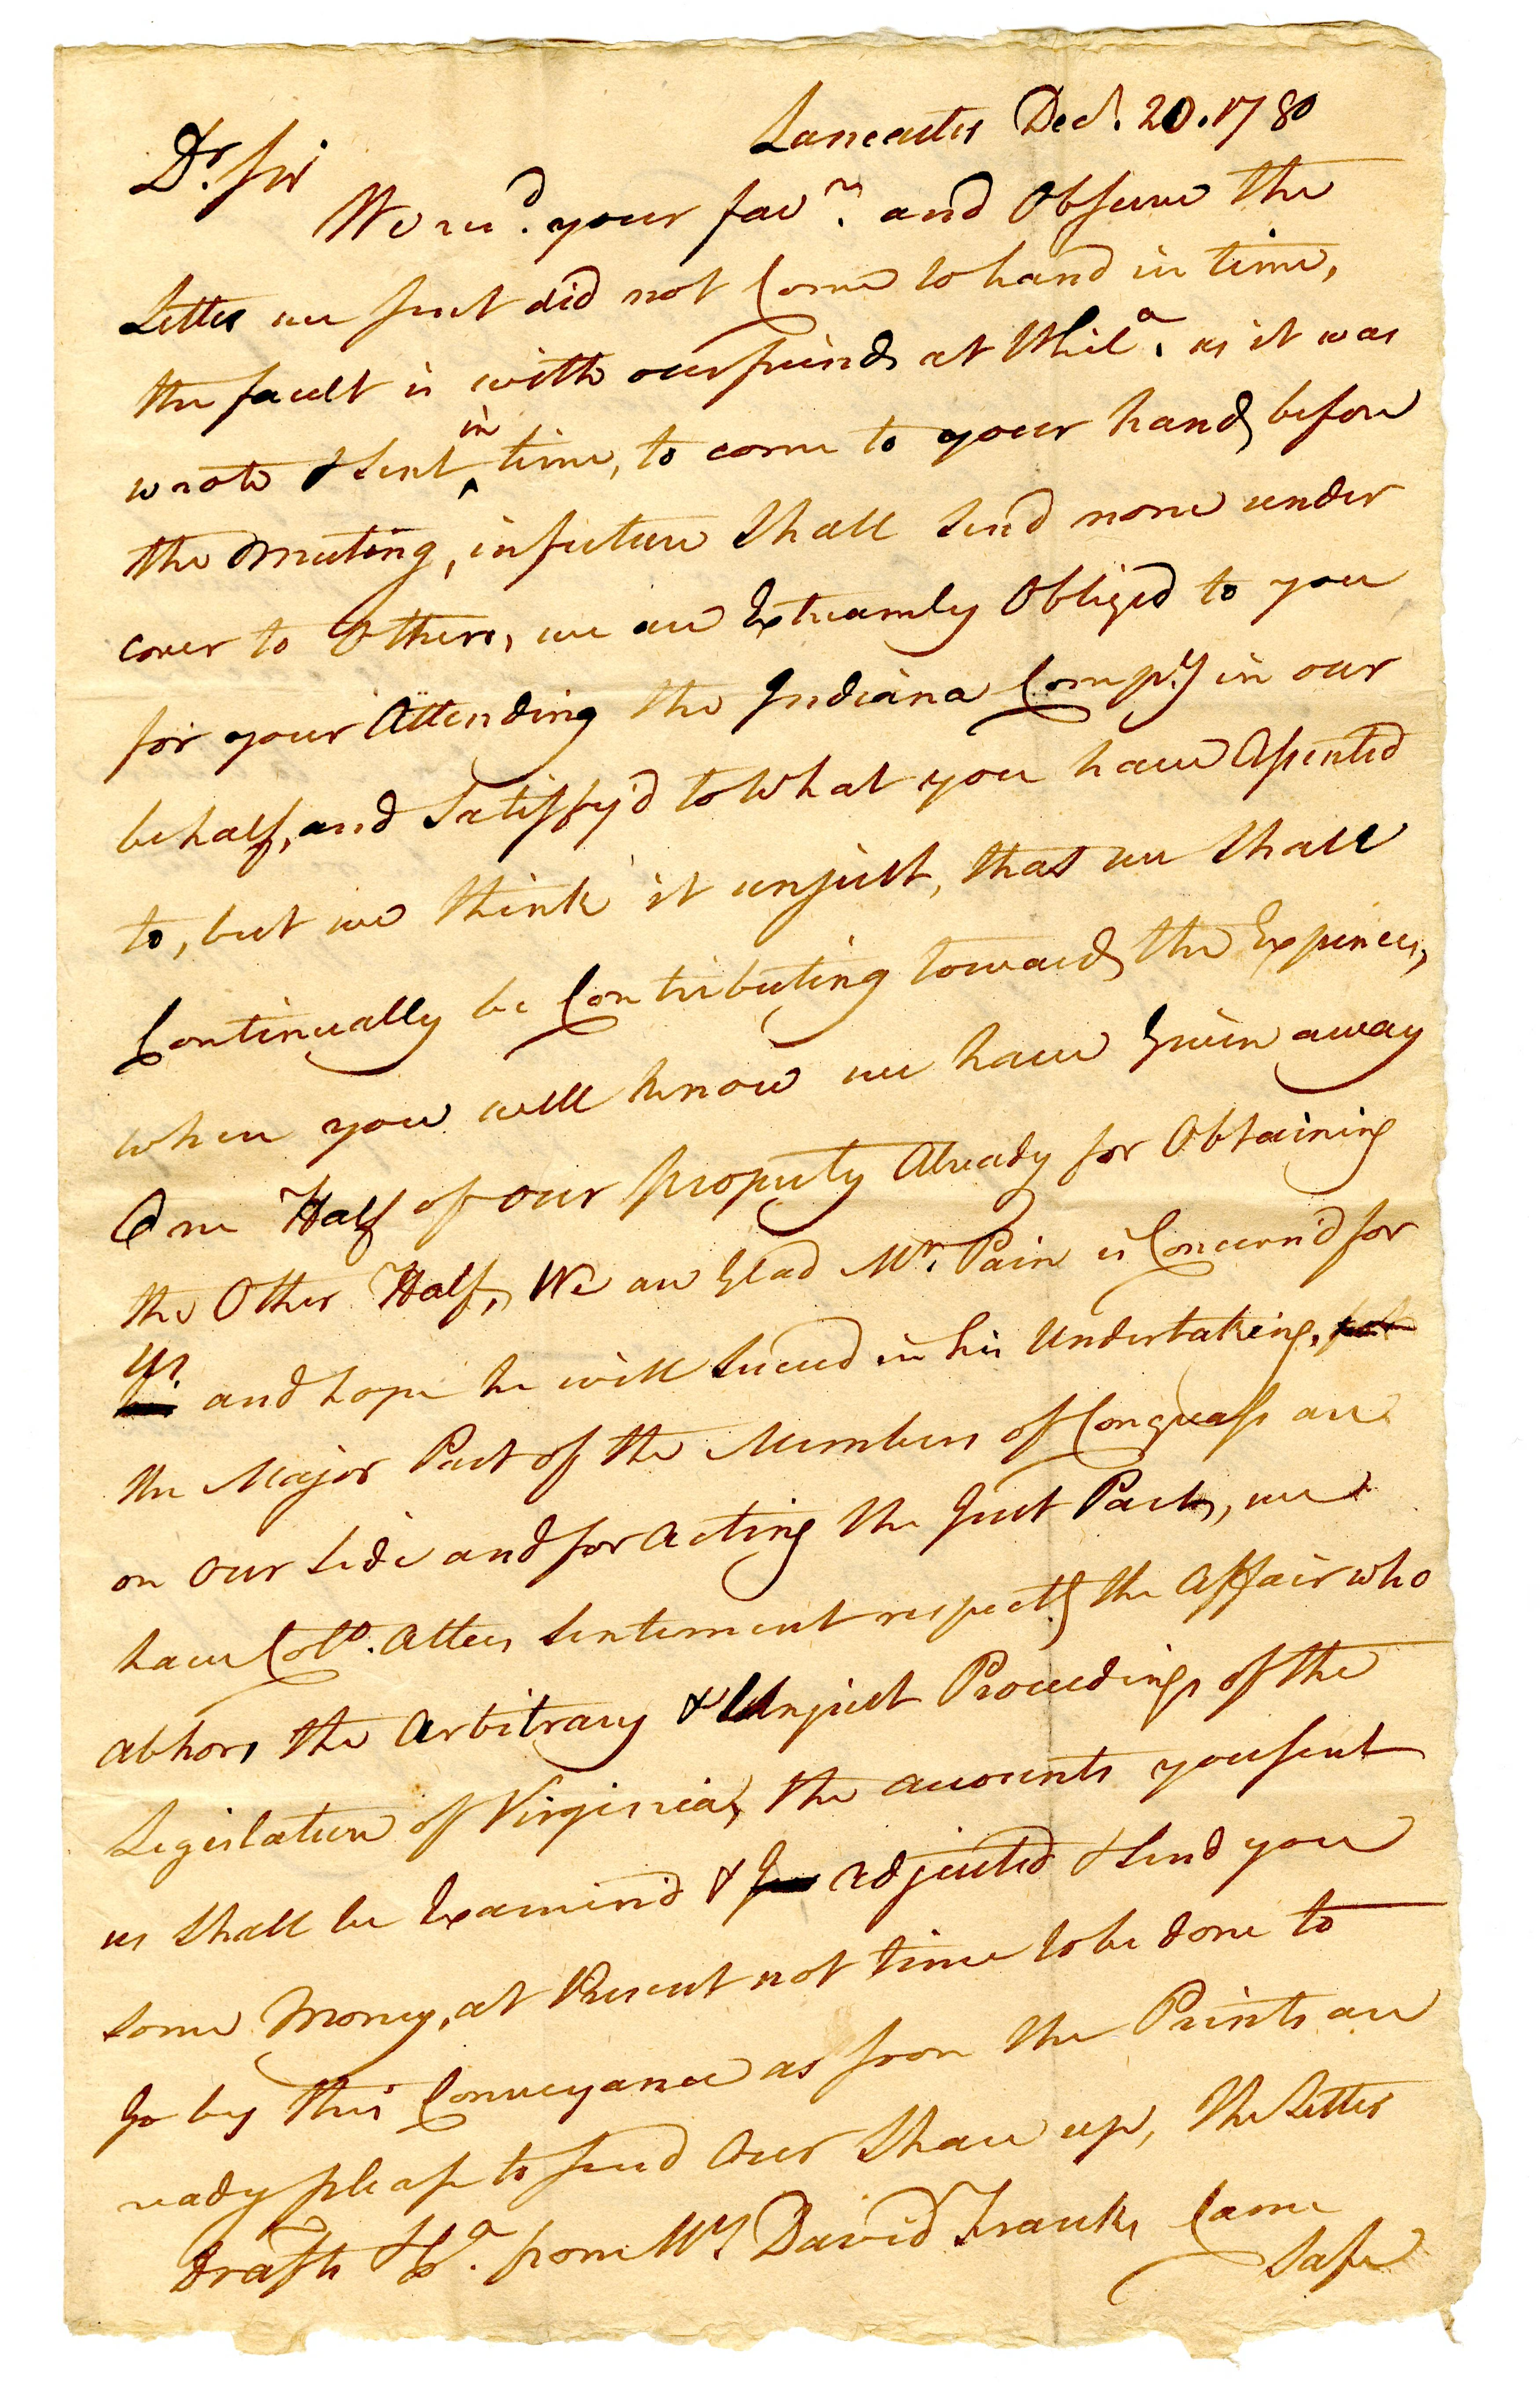Lancaster Dec^r 20. 1780
D^r. Sir
We rec^d. your fav^r. and Observe the
Letter we sent did not Come to hand in time,
the fault is with our friends at Phil^a. as it was
in
wrote & sent ^ time, to come to your hand before
the meeting, in sixteen Shall Send more under
cover to others, we are Extreamly obliged to you
for your Attending the Indiana Comp^y. in our
behalf, and Satisfy'd to what you have assented
to, but we think it unjust, that an shall
continually be Contributing towards the Expences
when you well know we have Given away
One half of our property already for Obtaining
the Other Half, We are Glad M^r. Pain is Concern'd for
uss and hope he will suceed in his Undertakeng, [___]
the Major part of the Members of Congress are
on our side and for Acting the Just Part, we
have Col^o. Atter Sentement respectg the Affair who
abhors the Arbitrary & unjust Proceedings of the
Legislation of Virginia the accounts you sent
us shall be Examind & [__] adjusted & send you
some Money, at present not time to be done to
go by this Conveyance as soon the Prints are
ready please to send our Share up, the letter
Draft &C^a. from M^r Davis Frank Came
safe